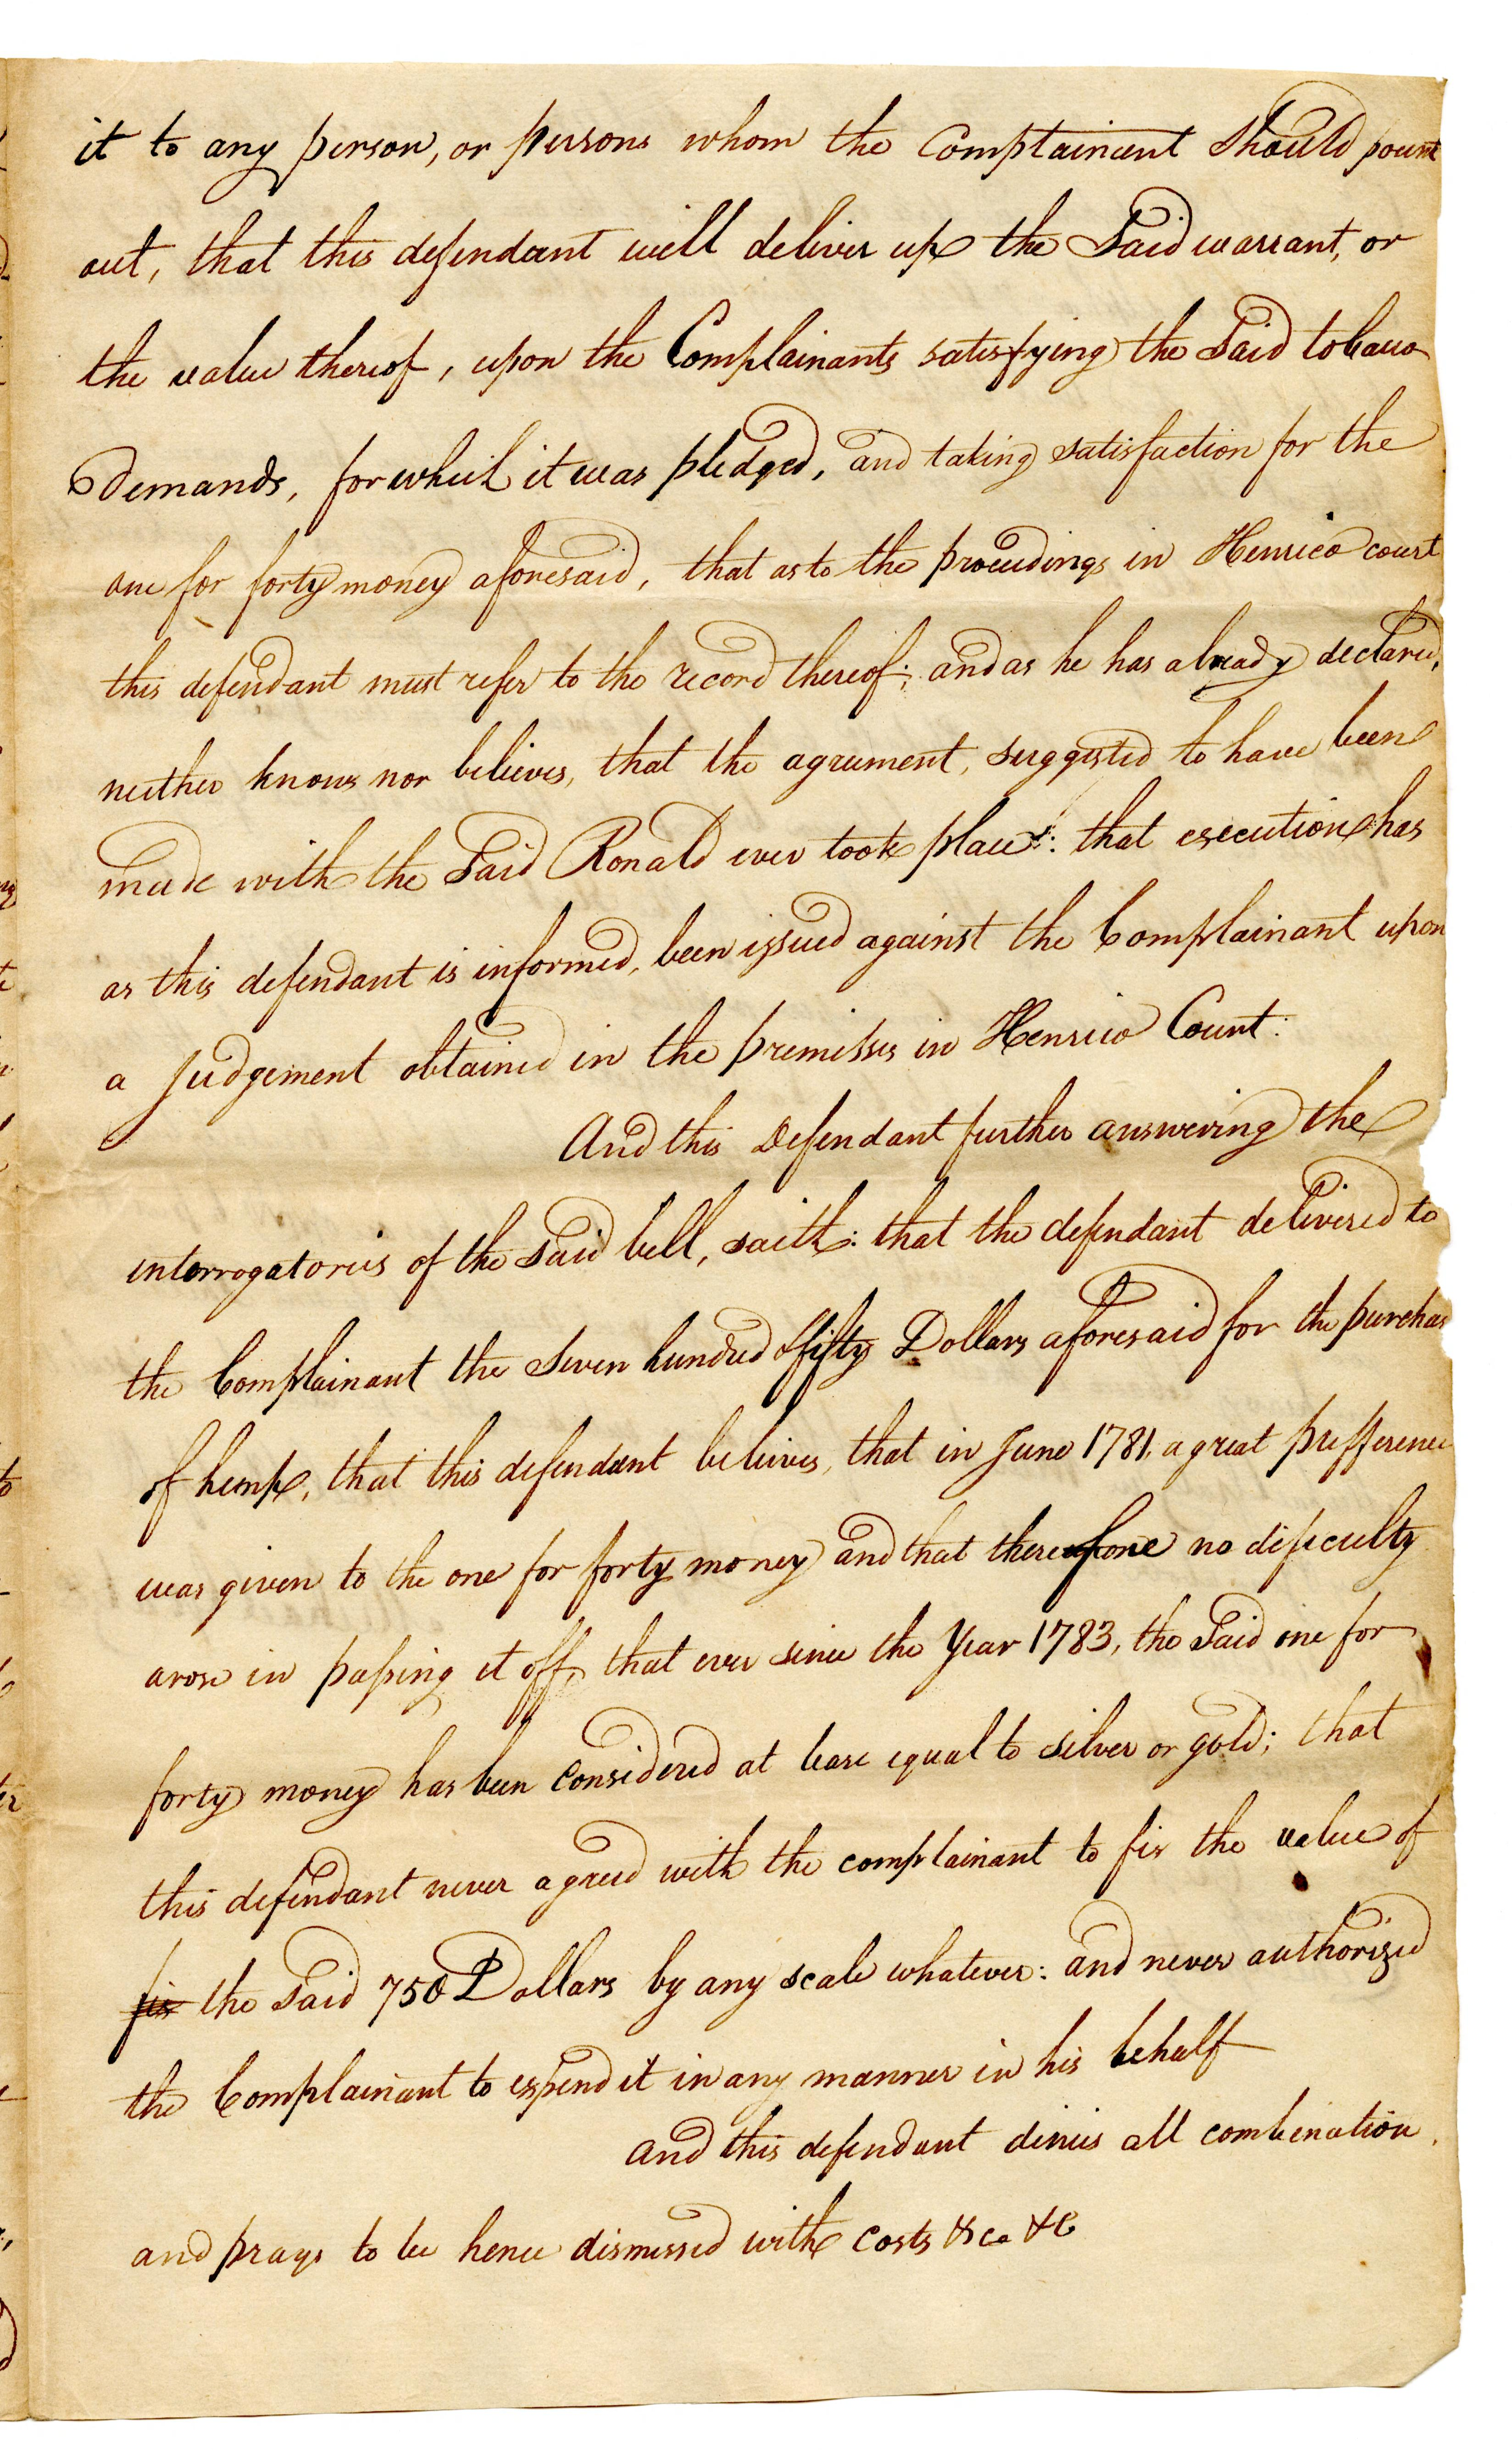it to any person, or persons whom the Complainant Should point
out, that the defendant well deliver up the Said warrant or
the value thereof, upon the Complainants satisfying the said to tobacco
demands, for which it was pledged, and taking satisfaction for the
one for forty money aforesaid, that also the preceding in Hemico court
this defendant must refer to the record thereof, and as he has already declared
neither knows nor believes, that the agreement suggested to have been
made with the said Ronald even took place. that execution has
as this defendant is informed been issued against the Complainant upon
a judgement obtained in the premises in Henrico Court:
And this defendent further answering the
interrogators of the said bill, saith: that the defendant delivered to
the complainant the Seven hundred & fifty Dollars aforesaid for the purchas
of hemp, that the defendant believes, that in June 1781 against prefference
was given to the one for forty money and that therefore no difficulty
arose in passing it off, that ever since the Year 1783. the said one for
forty money has been considered at base equal to silver or gold; that
this defendant never agreed with the complainant to fix the value of
[fix] the said 750 Dollars by any seals whatever. and never authorized
the Complainant to expend it in any manner in his behelf
and this defendant denies all combination
and prays to be hence dismissed with costs & ce &c